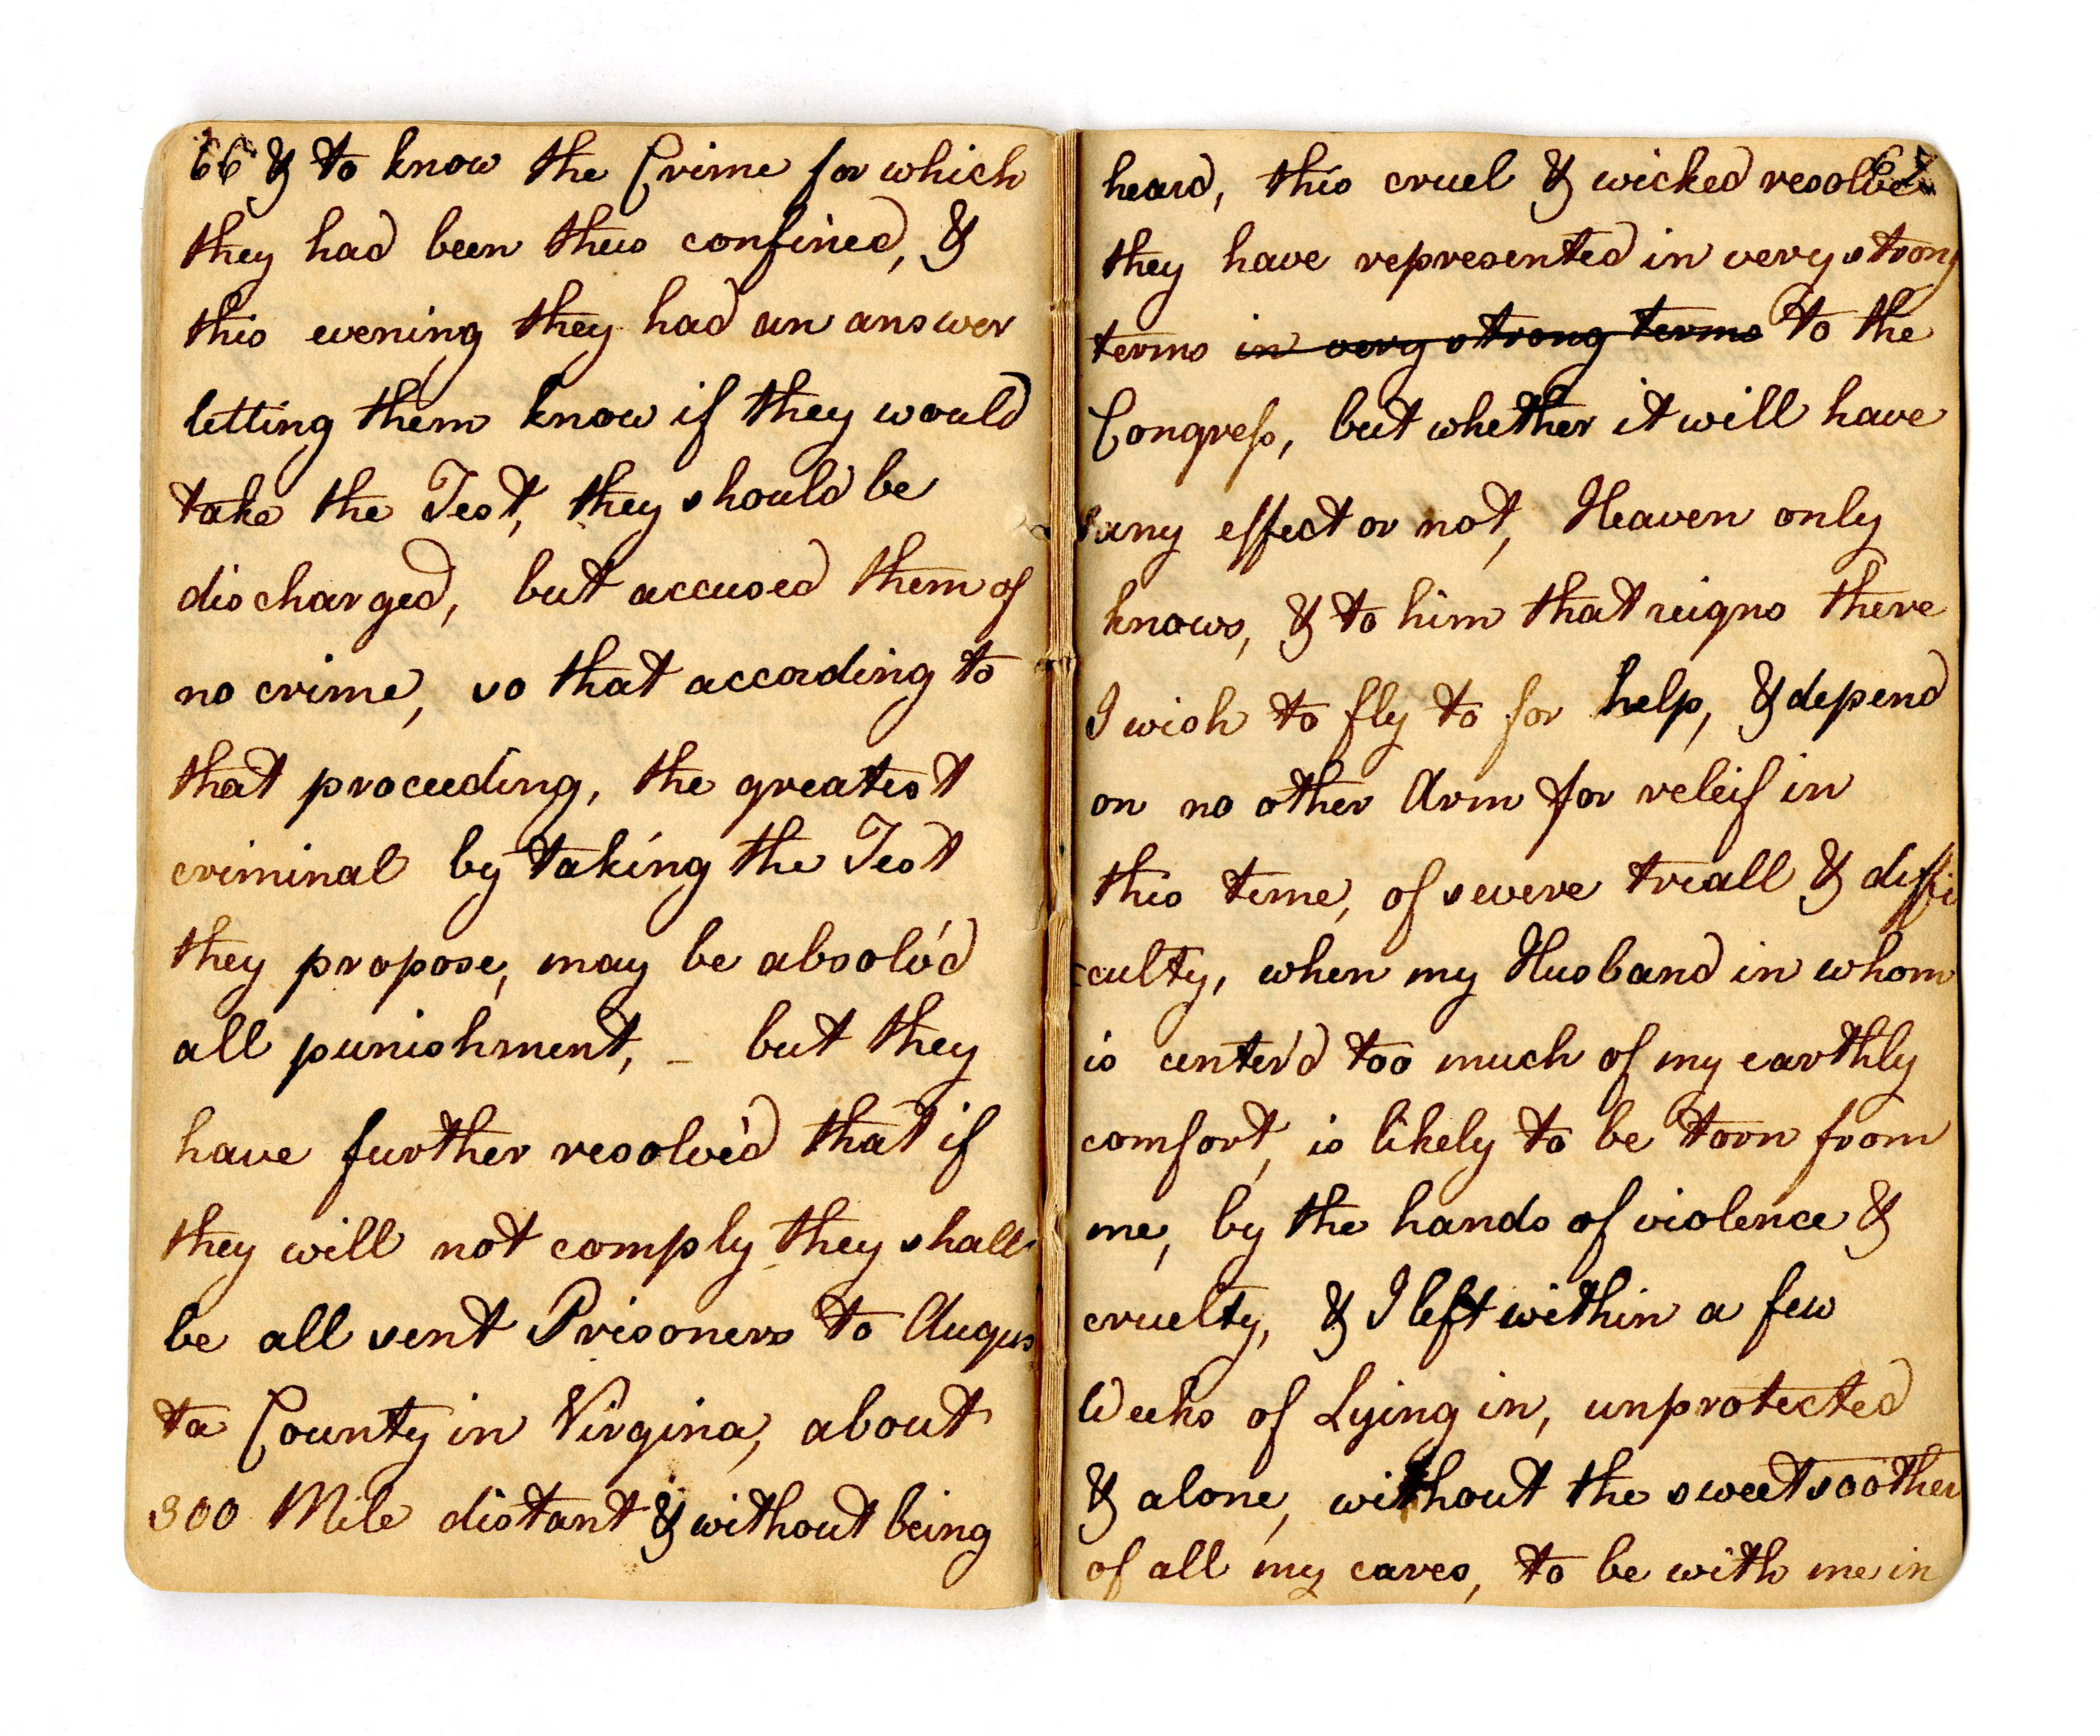& to know the Crime for which
they had been thus confined, &
this evening they had an answer
letting them know is they would
take the Test, they should be
discharged, but accused them of
no crime, so that according to
that proceeding, the greatest
criminal by taking the Test
they propose, may be absolv'd
all punishment,- but they
have further resolve'd that if
they will not comply they shall
be all sent Prisoners to Augus
to County in Virginia, about
300 Mile distant & without being
heard, this cruel & wicked resolve
they have represented in very strong
terms [in very strong terms] to the
Congress, but whether it will have
any effect or not, Heaven only
knows, & to him that reigns there
I wish to fly to for help, & depend
on no other Arm for releif in
this time, of severe triall & diffi
-culty, when my Husband in whom
is centr'd too much of my earthly
comfort, is likely to be torn from
me, by the hands of violence &
cruelty, & I left within a few
Weeks of Lying in, unprotected
& alone, without the sweet soother
of all my cares, to be with me in